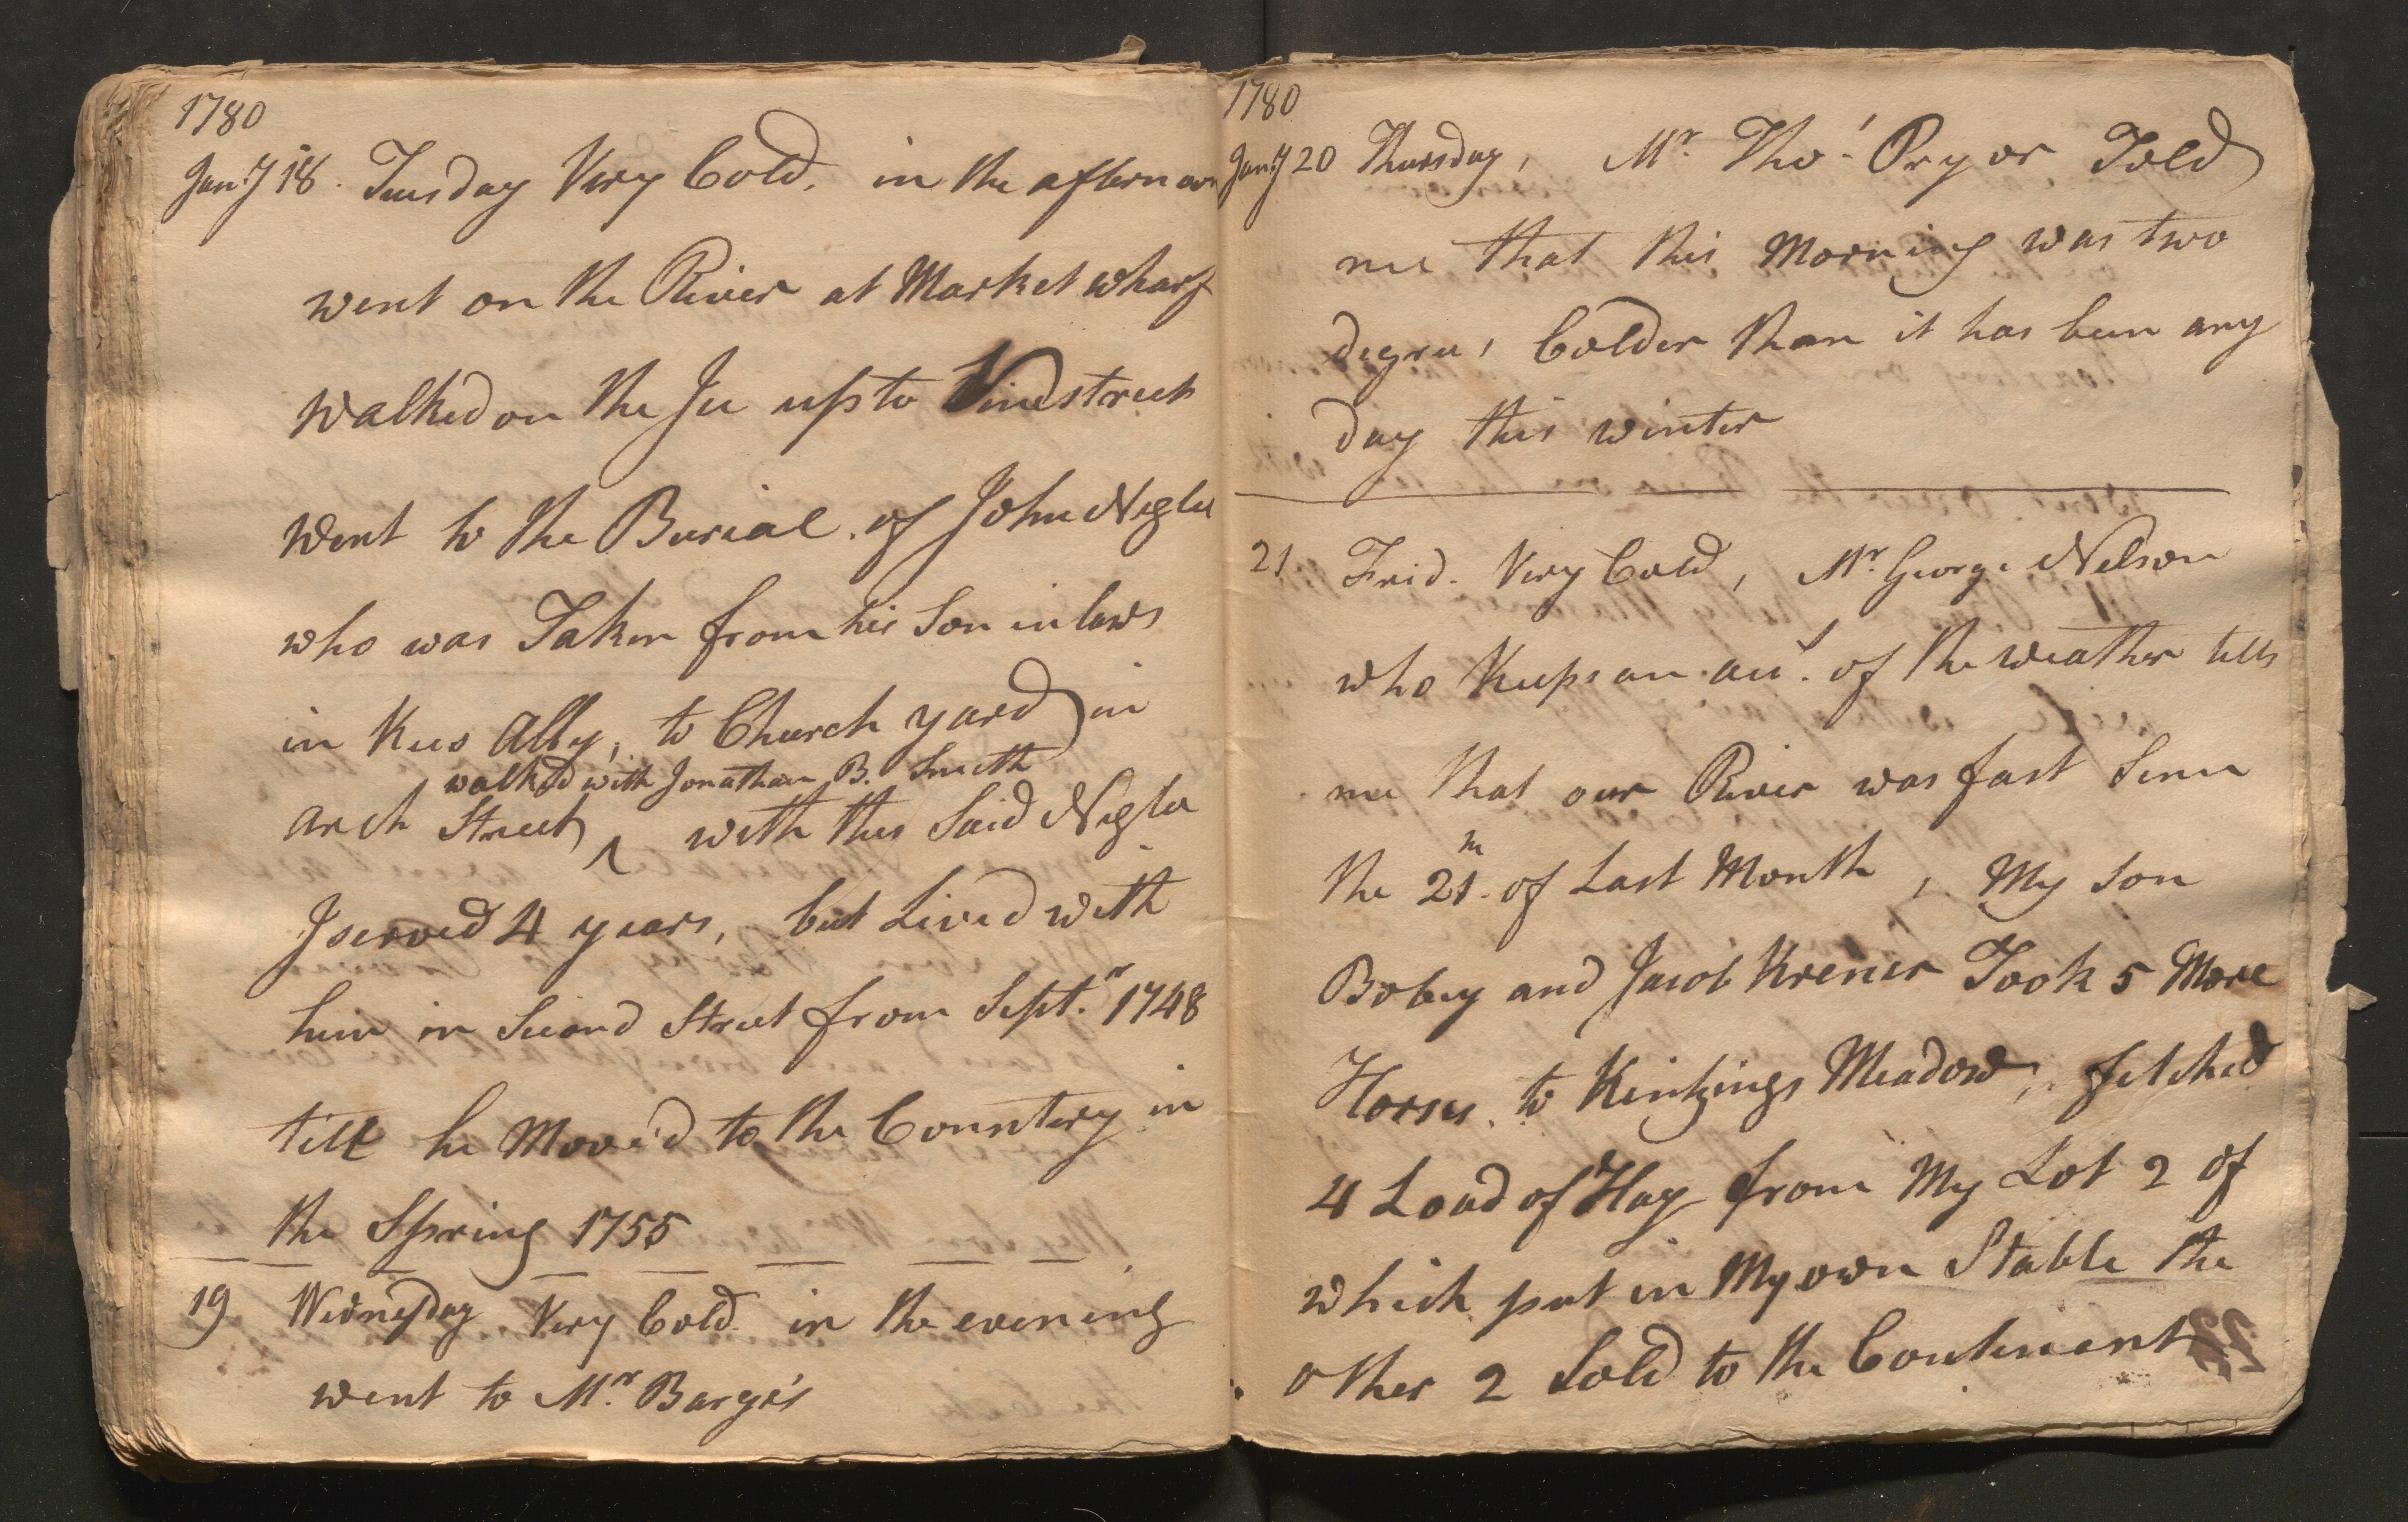1780
Jan^y 18. Tuesday Very Cold. in the afternoon
went on the River at Market wharf
walked on the Ice up to Vine street
went to the Burial of John Negles
who was Taken from his Son in law
in Kees Ally, to Church yard in
walked with Jonathan B. Smith
Arch Street, with this Said Negler
I served 4 years, but Lived with
him in Second Street from Sept^r. 1748
till he move'd to the Country in
the Spring 1755
1. Wednesday Very Cold in the evening
went to M^r. Barge's
1780
Jan^y 20 Thursday, M^r. Tho^s. Pryor Told
me that this morning was two
degrees Colder than it has been any
day this winter
21 Frid. Very Cold, M^r George Nelson
who Keeps an acc^t. of the weather tells
me that our River was fast Since
The 21^th. of Last Month, My son
Bobey and Jacob Krener Took 5 More
Horses to Kintzings Meadow, fetched
4 Load of Hay from My Lot 2 of
which put in My own Stable the
other 2 sold to the Continent